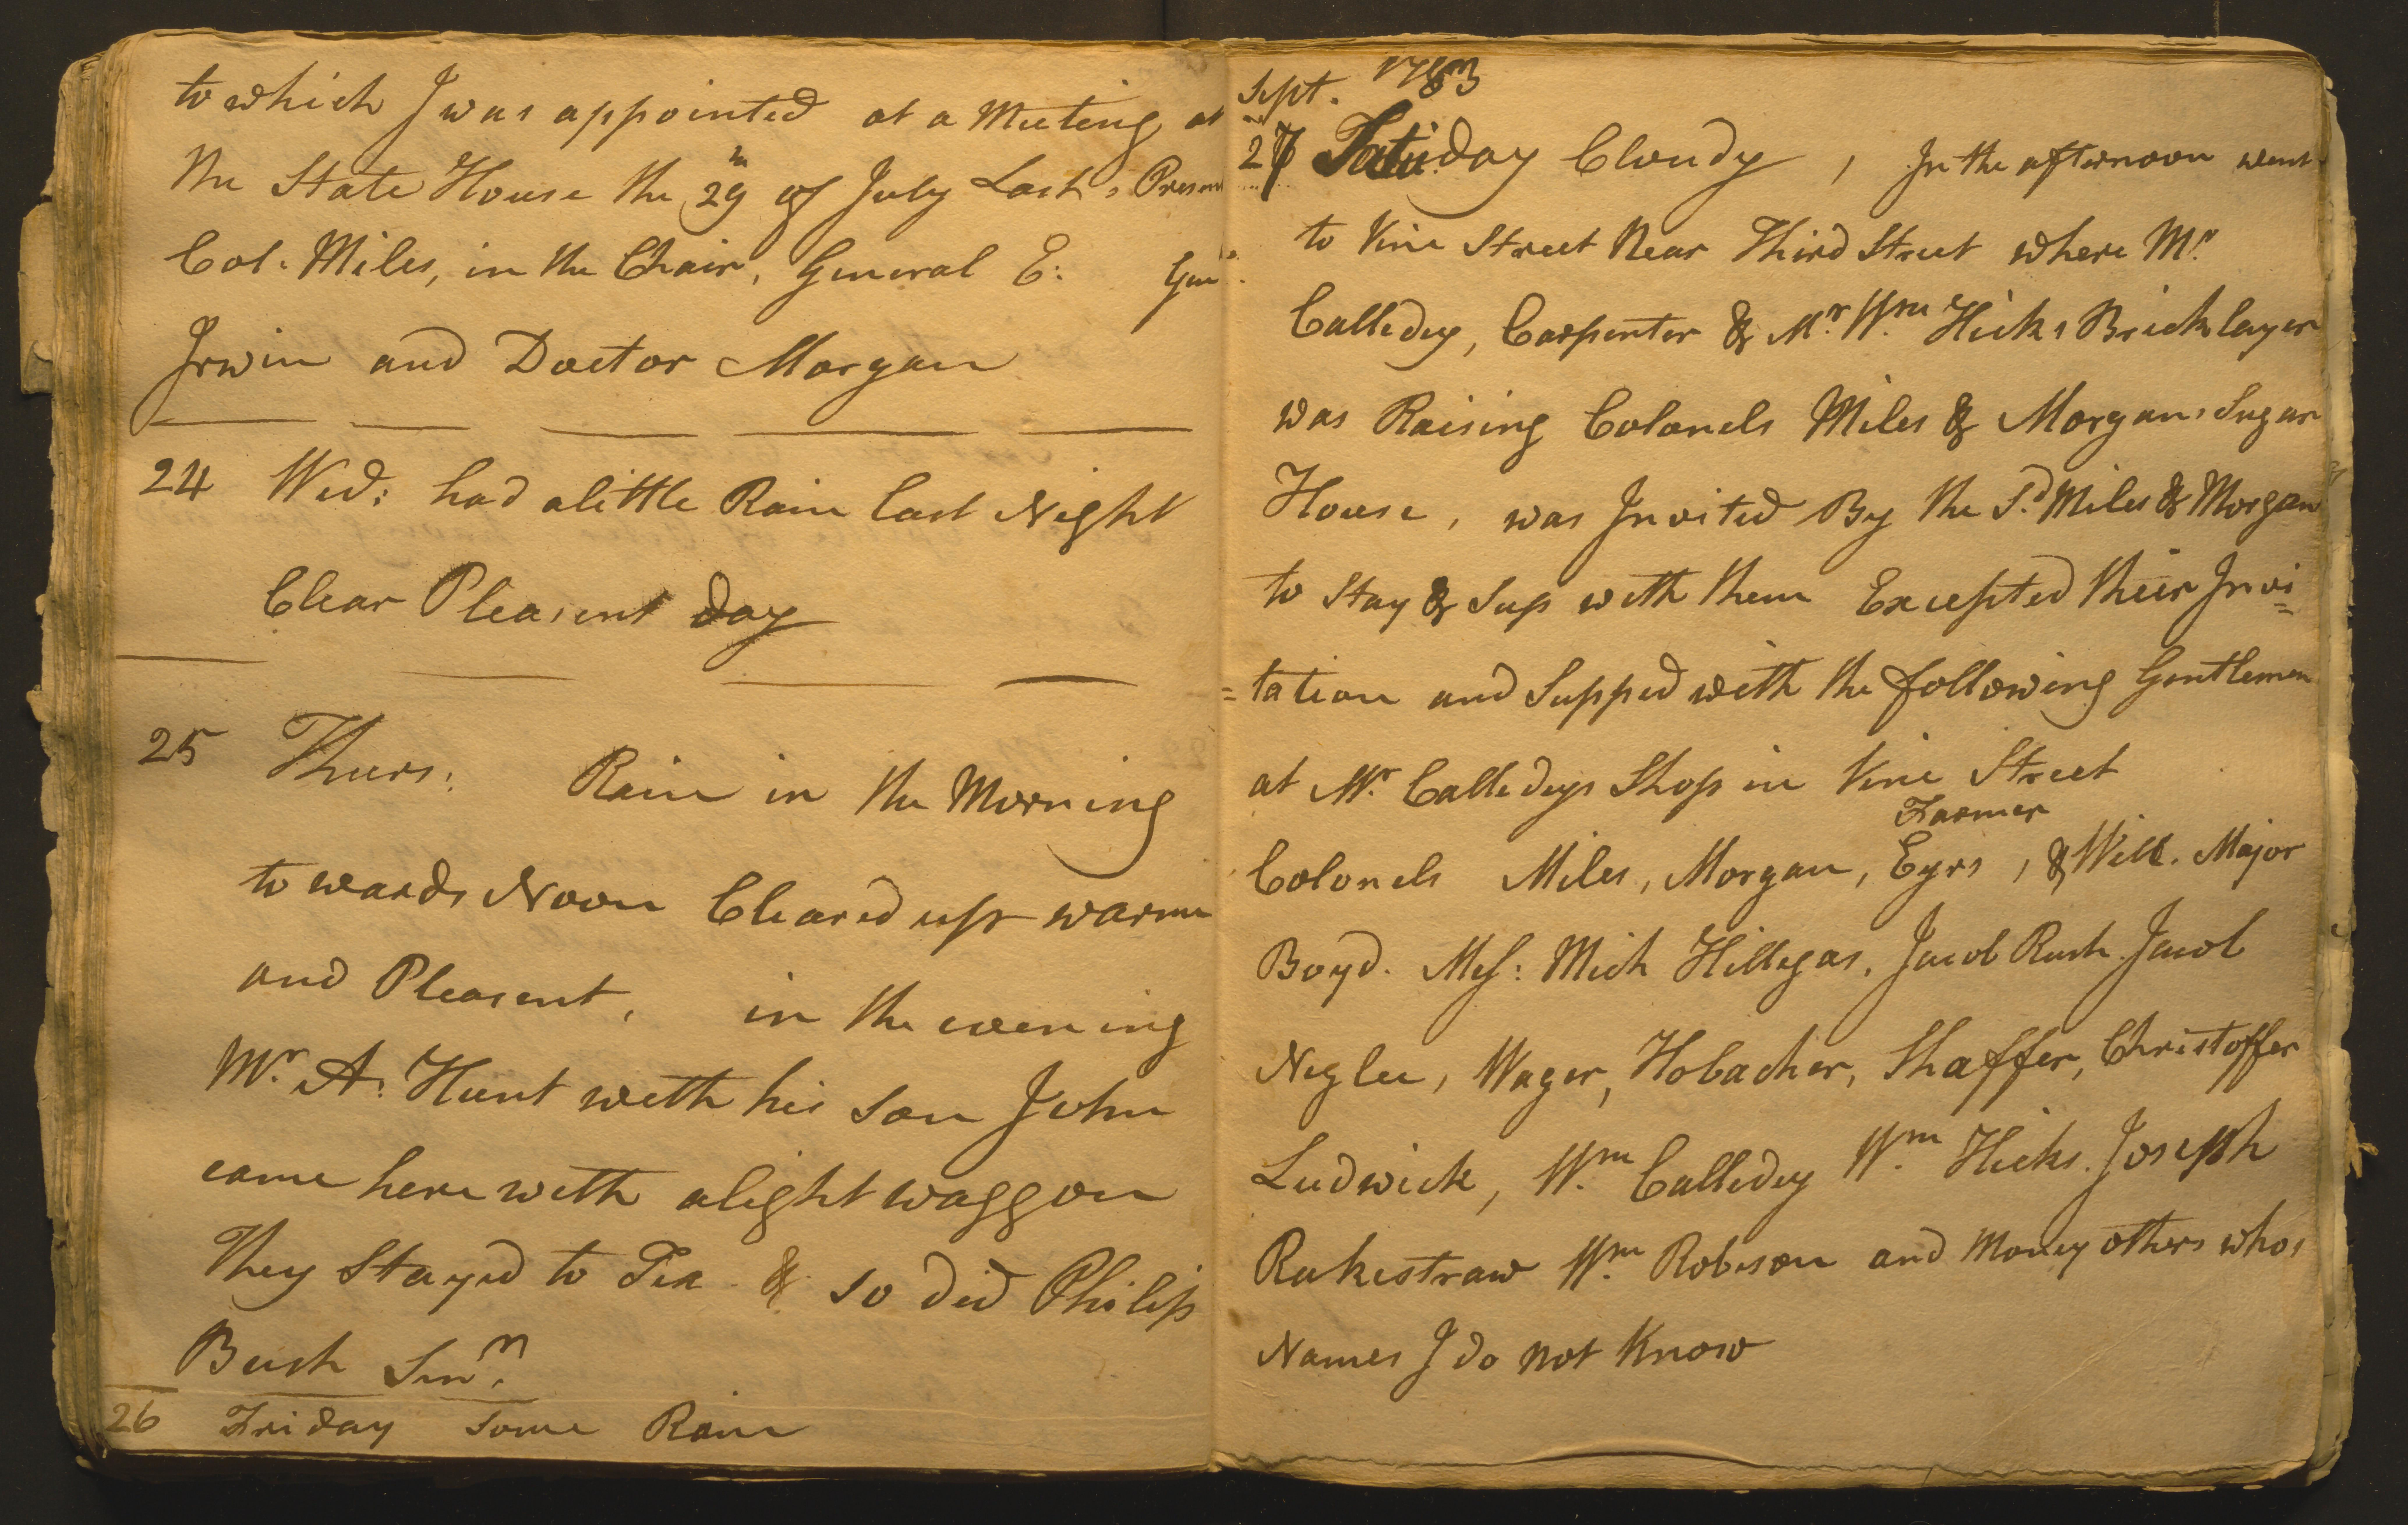to which /was appointed at a Meeting at
the State House the 29^th of July Last. Present
Col. Miles, in the Chair. General E: Gen
Irwin and Doctor Morgan
24 Wed: had a little Rain last Night
Clear Pleasent day
25 Thurs. Rain in the Morning
towards Nown Cleared up warm
and Pleasent, in the evening
M^r. A. Hunt with his son John
came here with a light waggon
They Stayed to Tea & so did Philip
Bush Sen^r.
26 Friday some Rain
1783
Sept.
28 Satuday Cloudy, In the afternoon went
to Vine Street Near Thid Street where M^r.
Calledey Carpenter & M^r. W^m. Hicks Bricklayer
was Raising Colanels Miles & Morgans Sugar
House, was Invited By the s^d. Miles & Morgan
to Stay & Sup with them Excepted their Invi-
tation and Supped with the following Gentlemen
at M^r. Calledeys Shop in Vine Street
Farmer
Colonels Miles, Morgan, Eyrs, & Will. Major
Boyd. Mes: Mich Hillegas, Jacob Rush Jacob
Neglee, Wager Hobacker, Shaffer, Christoffer
Ludwick, W^m. Callidey W^m. Hicks Joseph
Rakestraw W^m. Robison and Maney others whos
Names I do not Know